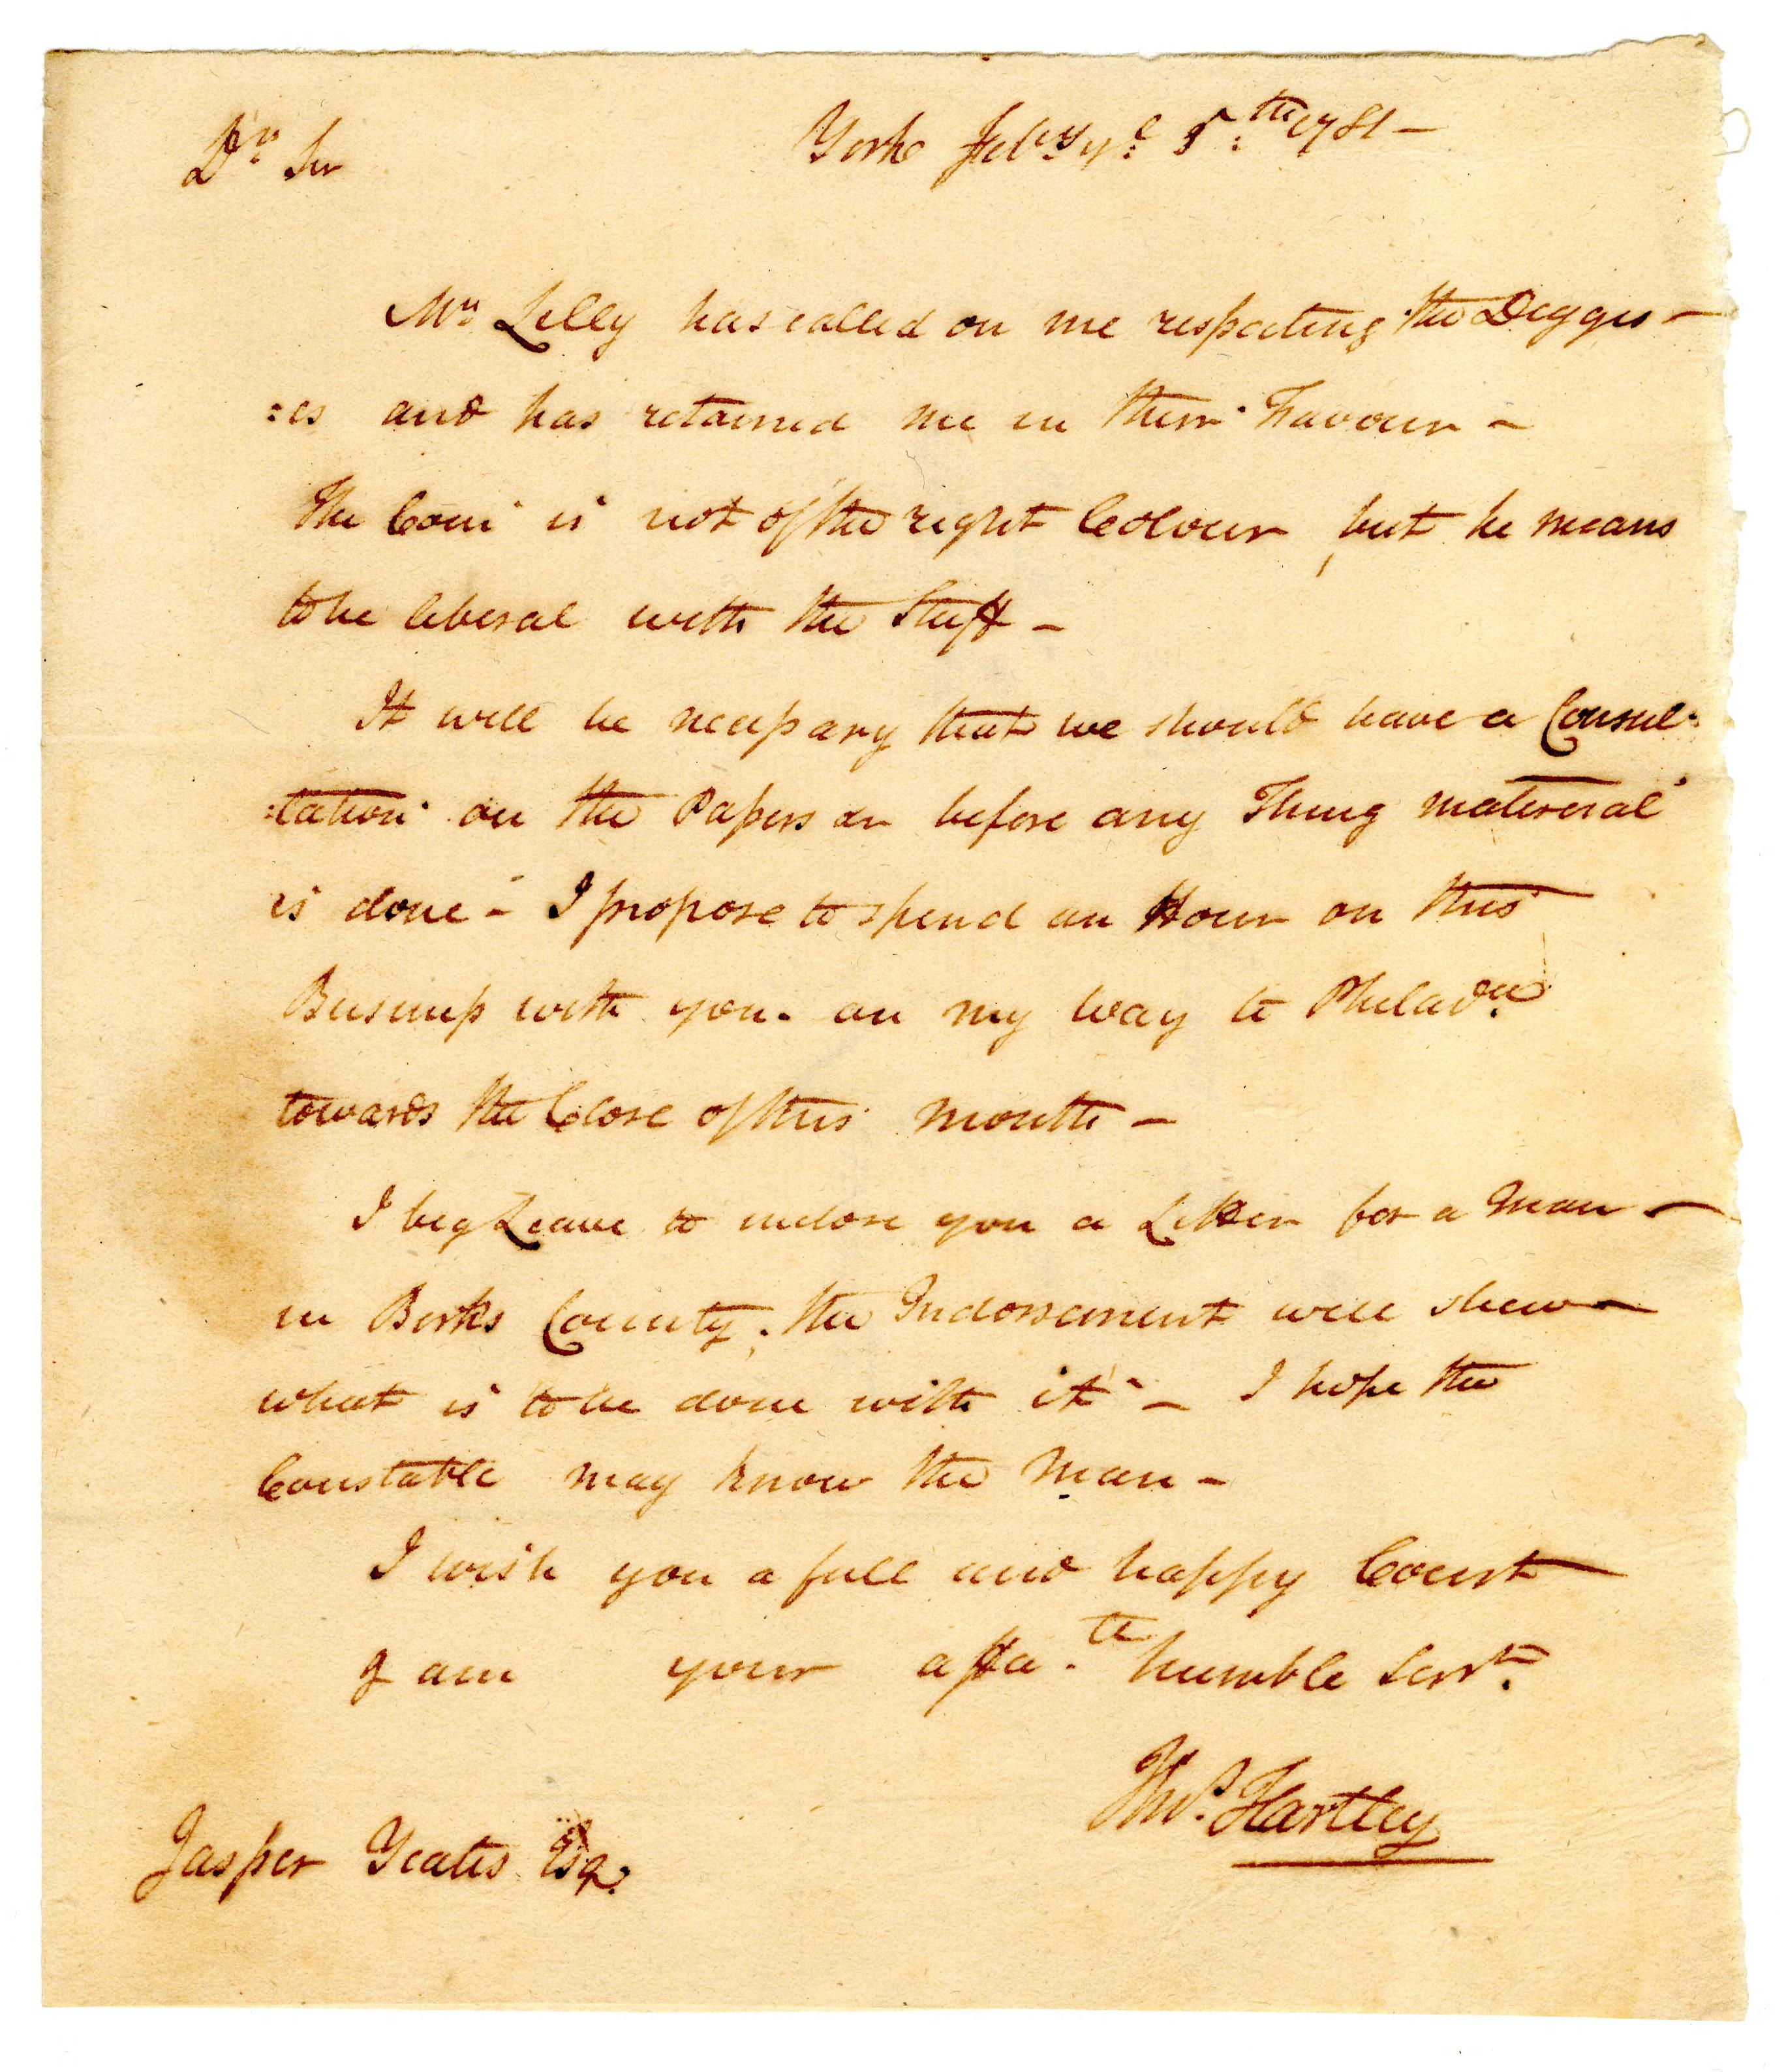York Feb^y: y^e 5^th 1781
D^r Sir
M^rs. Lilly has called on me respecting the Degges-
-es and has retained me in their Favour.
The Court is not of the right Colour but he means
to be liberal with the Stuff.
It will be necessary that we should have a Consul-
-tation on the Papers on before any Thing material
is done. I propose to spend an Hour on this
Business with you. On my way to Philad^a.
towards the Close of this month.
I beg Leave to enclose you a Lien for a man-
in Borks County. the Indonanent will shew
what is to be done with it. I hope the
Constable may know the Man.
I wish you a full and happy Court
I am your affec^te. humble Serv^t.
Tho^s. Hartley
Jasper Yeates Esq^r